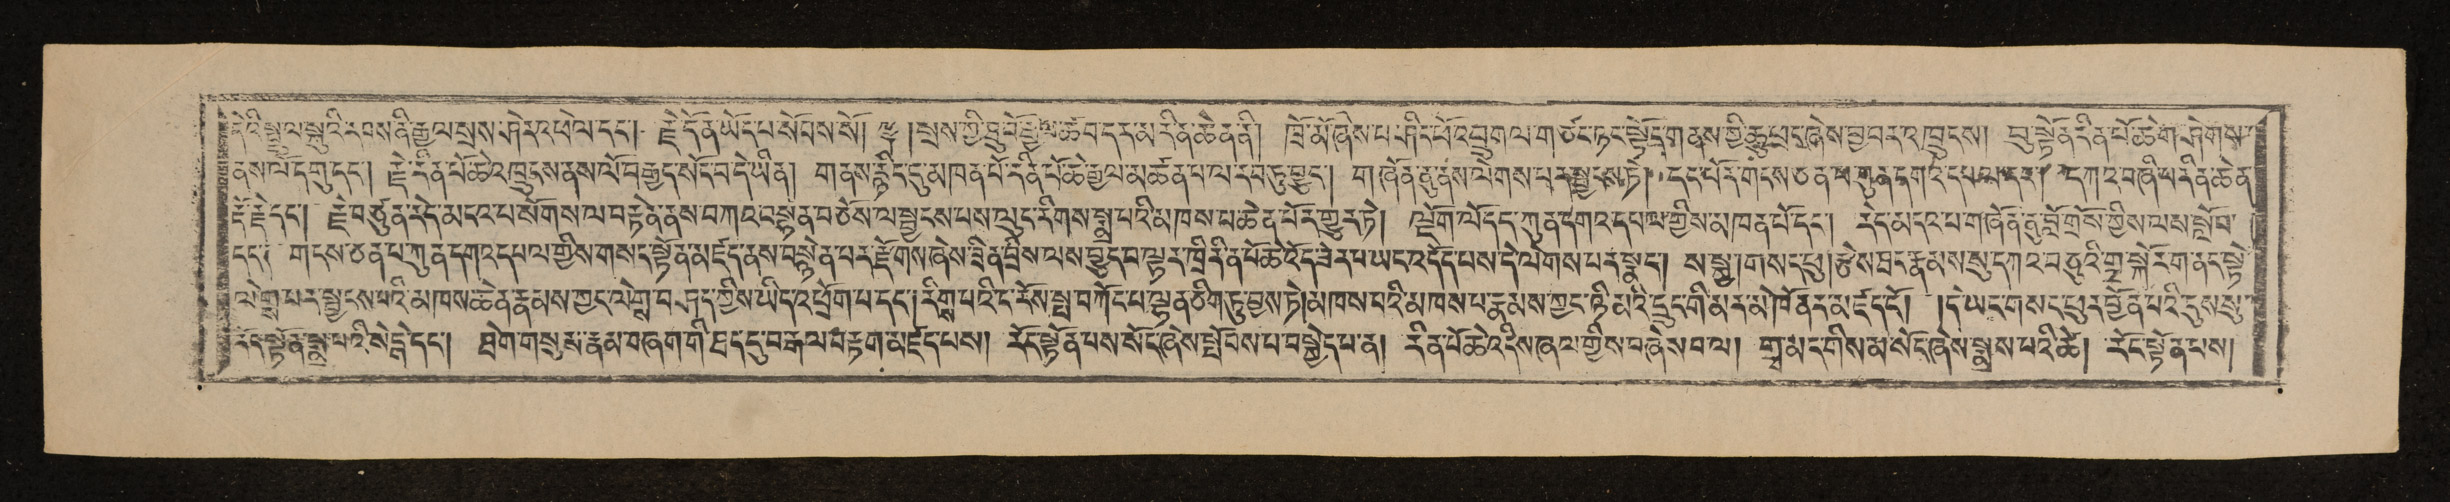དེའི་སྤྲུལ་སྐུའི་རབས་ནི་རྒྱལ་སྲས་ཤེར་འཕེལ་དང་། རྗེ་དོན་ཡོད་པ་སོགས་སོ། ༈ །སྲས་ཀྱི་ཐུ་བོ་རྒྱལ་ཚབ་དར་མ་རིན་ཆེན་ནི། ཁྲོ་མོ་ཞེས་པ་ཤིང་ཕོ་འབྲུག་ལ་གཙང་ཉད་སྟོད་གནས་ཀྱི་ཆུ་ཕྲང་ཞེས་བྱ་བར་འཁྲུངས། བུ་སྟོན་རིན་པོ་ཆེ་གཤེགས་
ནས་ལོ་དགུ་དང་། རྗེ་རིན་པོ་ཆེ་འཁྲུངས་ནས་ལོ་བརྒྱད་སོང་བདེ་ཡིན། གནས་རྙིང་དུ་མཁན་པོ་རིན་པོ་ཆེ་རྒྱལ་མཚན་པ་ལ་རབ་ཏུ་བྱུང་། གཞོན་ནུ་ནས་ལེགས་པར་སྤྱངས་ཏེ། དང་པོར་གངས་ཅན་པ་ཀུན་དགའ་དཔལ་དང་། དཀའ་བཞི་པ་རིན་ཆེན་
རྡོ་རྗེ་དང་། རྗེ་བཙུན་རེད་མདའ་བ་སོགས་ལ་བརྟེན་ནས་བཀའ་བསྟན་བཅོས་ལ་སྦྱངས་པས་ལུང་རིགས་སྨྲ་བའི་མཁས་པ་ཆེན་པོར་གྱུར་ཏེ། ལྡོག་ལོད་པ་ཀུན་དགའ་དཔལ་གྱིས་མཁན་པོ་དང་། རེད་མདའ་བ་གཞོན་ནུ་བློ་གྲོས་ཀྱིས་ལས་སློང་
དང༑ གངས་ཅན་པ་ཀུན་དགའ་དཔལ་གྱིས་གསང་སྟོན་མཛད་ནས་བསྙེན་པར་རྫོགས་ཞེས་ཟིན་བྲིས་ལས་བྱུང་བལྟར་ཁྲི་རིན་པོ་ཆེ་འོད་ཟེར་པ་ཡང་འདོད་པས་དེ་ལེགས་པར་སྣང་། ས་སྐྱ། གསང་ཕུ། རྩེས་ཐང་རྣམས་སུ་དཀའ་བཅུའི་གྲྭ་སྐོར་གནང་སྟེ་
ལེགས་པར་སྦྱངས་བའི་མཁས་ཆེན་རྣམས་ཀྱང་ལེགས་བཤད་ཀྱིས་ཡིད་འཕྲོག་པ་དང་། རིགས་པའི་ང་རོས་སྤ་བཀོད་པ་ལྷན་ཅིག་ཏུ་བྱས་ཏེ། མཁས་པའི་མཁས་པ་རྣམས་ཀྱང་ཉི་མའི་དྲུང་གི་མར་མེ་ཁོ་ནར་མཛད་དོ། །དེ་ཡང་གསང་ཕུར་བྱོན་པའི་དུས་སུ་
རོང་སྟོན་སྨྲ་བའི་སེངྒེ་དང་། ཐེག་གསུམ་རྣམ་བཞག་གི་ཐད་དུ་བརྒལ་བརྟག་མཛད་པས། རོང་སྟོན་པས་སོང་ཞེས་སྦོབས་པ་བསྐྱེད་པ་ན། རིན་པོ་ཆེ་འདིས་ཞལ་གྱིས་བཞེས་པ་ལ། གྲྭ་མང་གིས་མ་སོང་ཞེས་སྨྲས་པའི་ཚེ། རོང་སྟོན་པས།